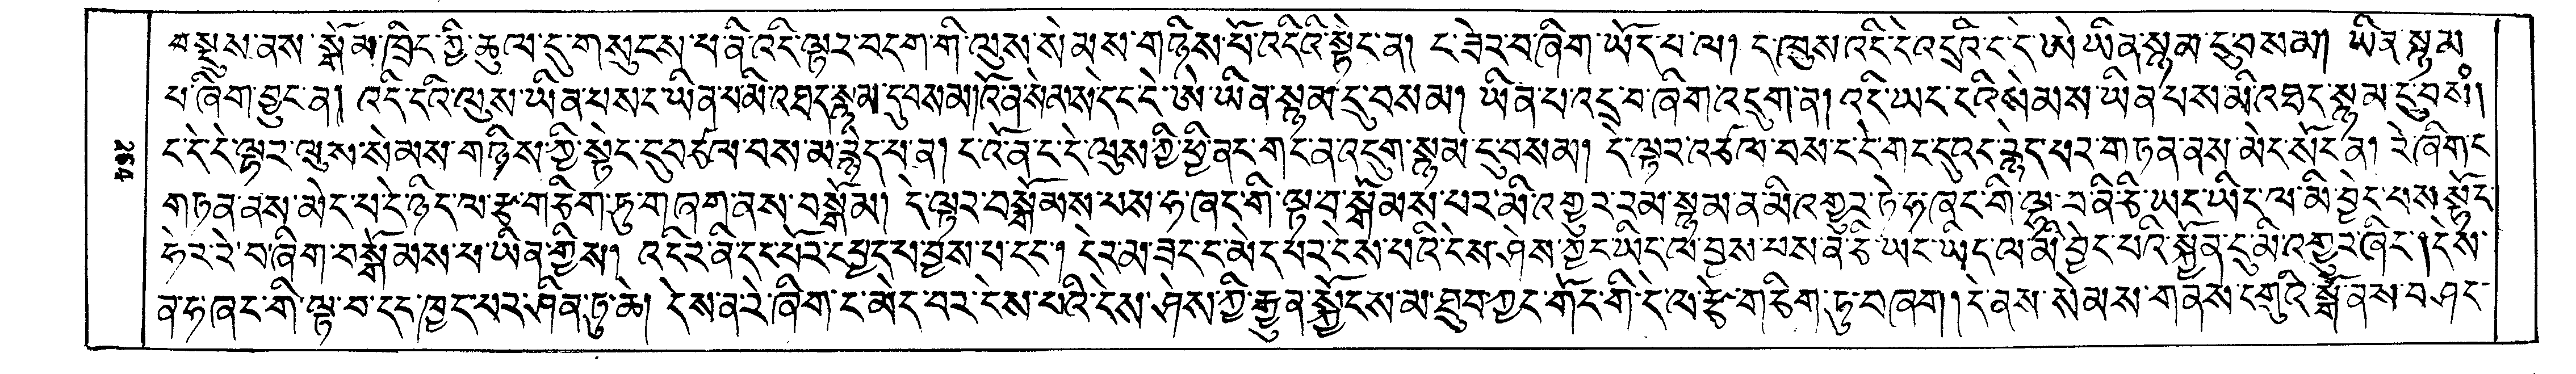བསྡུས་ནས་སྒོམ་ཁྲིད་ཀྱི་ཚུལ་དུ་གསུངས་པ་ནི་འདི་ལྟར་བདག་གི་ལུས་སེམས་གཉིས་པོ་འདིའི་སྟེང་ན། ང་ཟེར་བ་ཞིག་ཡོད་པ་ལ། ད་ལུས་འདི་དེ་འདྲའི་ང་དེ་ཨེ་ཡིན་སྙམ་དུ་བསམ། ཡིན་སྙམ་
པ་ཞིག་བྱུང་ན། འདི་ངའི་ལུས་ཡིན་པས་ང་ཡིན་པ་མི་འཐད་སྙམ་དུ་བསམ། འོ་ན་སེམས་དེ་ང་དེ་ཨེ་ཡིན་སྙམ་དུ་བསམ། ཡིན་པ་འདྲ་བ་ཞིག་འདུག་ན། འདི་ཡང་ངའི་སེམས་ཡིན་པས་མི་འཐད་སྙམ་དུ་བསཾ།
ང་དེ་དེ་ལྟར་ལུས་སེམས་གཉིས་ཀྱི་སྟེང་དུ་བཙལ་བས་མ་རྙེད་པ་ན། ང་འོ་ན་ང་དེ་ལུས་ཀྱི་ཕྱི་ནང་གང་ན་འདུག་སྙམ་དུ་བསམ། དེ་ལྟར་བཙལ་བས་ང་དེ་གང་དུའང་རྙེད་པར་གཏན་ནས་མེད་སོང་ན། རེ་ཞིག་ང་
གཏན་ནས་མེད་པ་དེ་ཉིད་ལ་རྩེ་གཅིག་ཏུ་གཞག་ནས་བསྒོམ། དེ་ལྟར་བསྒོམས་པས་ཧ་ཞང་གི་ལྟ་བ་སྒོམས་པར་མི་འགྱུར་རམ་སྙམ་ན་མི་འགྱུར་ཏེ་ཧ་ཞང་གི་ལྟ་བ་ནི་ཅི་ཡང་ཡིད་ལ་མི་བྱེད་པས་སྟོང་
ཧར་རེ་བ་ཞིག་བསྒོམས་པ་ཡིན་གྱིས། འདིར་ནི་དང་པོར་དཔྱད་པ་བྱས་པ་དང་། དེར་མ་ཟད་ང་མེད་པར་ངེས་པའི་ངེས་ཤེས་ཀྱང་ཡིད་ལ་བྱས་པས་ན་ཅི་ཡང་ཡིད་ལ་མི་བྱེད་པའི་སྐྱོན་དུ་མི་འགྱུར་ཞིང་། དེས་
ན་ཧ་ཞང་གི་ལྟ་བ་དང་ཁྱད་པར་ཤིན་ཏུ་ཆེ། དེས་ན་རེ་ཞིག་ང་མེད་པར་ངེས་པའི་ངེས་ཤེས་ཀྱི་རྒྱུན་སྐྱོངས་མ་ཐུབ་ཀྱང་གོང་གི་དེ་ལ་རྩེ་གཅིག་ཏུ་བཞག །དེ་ནས་སེམས་གནས་དགུའི་སྒོ་ནས་བཤད་